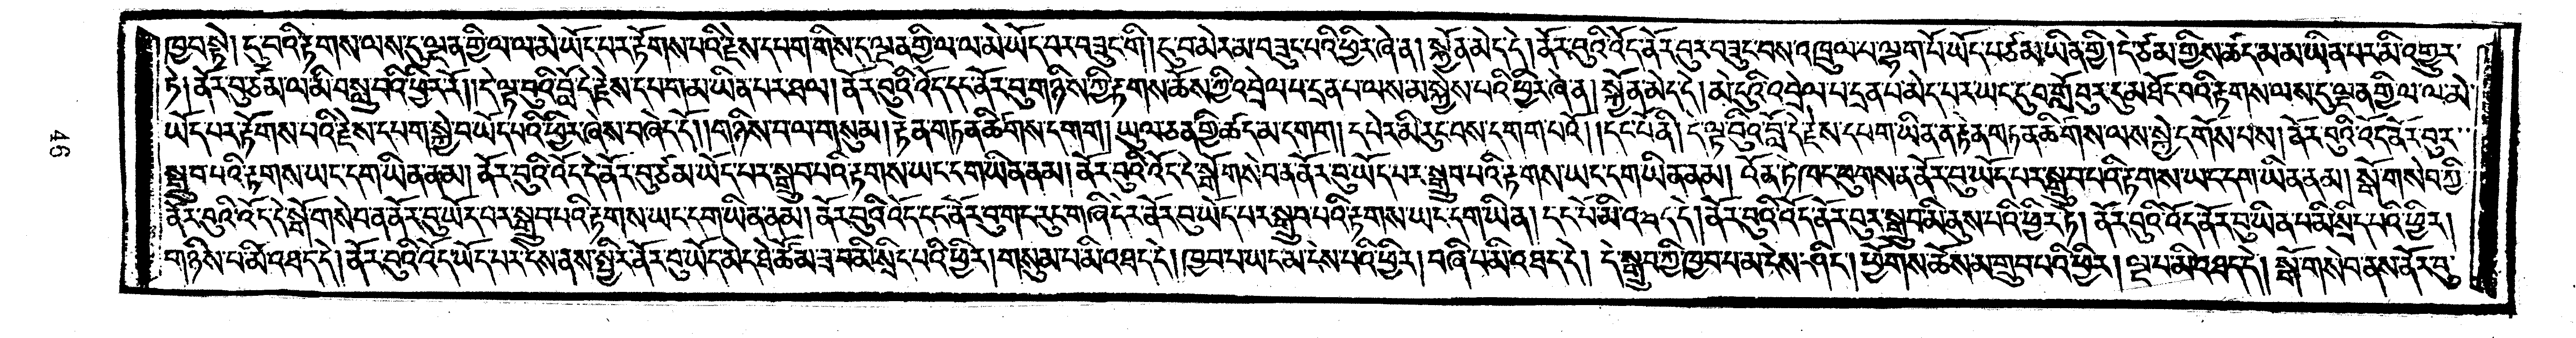ཁྱབ་སྟེ། དུ་བའི་རྟགས་ལས་དུ་ལྡན་གྱི་ལ་ལ་མེ་ཡོད་པར་རྟོགས་པའི་རྗེས་དཔག་གིས་དུ་ལྡན་གྱི་ལ་ལ་མེ་ཡོད་པར་བཟུང་གི། དུ་བ་མེར་མ་བཟུང་བའི་ཕྱིར་ཞེ་ན། སྐྱོན་མེད་དེ། ནོར་བུའི་འོད་ནོར་བུར་བཟུང་བས་འཁྲུལ་པ་ལྷག་པོ་ཡོད་པ་ཙམ་ཡིན་གྱི། དེ་ཙམ་གྱིས་ཚད་མ་མ་ཡིན་པར་མི་འགྱུར་
ཏེ༑ ནོར་བུ་ཙམ་ལ་མི་བསླུ་བའི་ཕྱིར་རོ། །དེ་ལྟ་བུའི་བློ་དེ་རྗེས་དཔག་མ་ཡིན་པར་ཐལ། ནོར་བུའི་འོད་དང་ནོར་བུ་གཉིས་ཀྱི་རྟགས་ཆོས་ཀྱི་འབྲེལ་པ་དྲན་པ་ལས་མ་སྐྱེས་པའི་ཕྱིར་ཞེ་ན། སྐྱོན་མེད་དེ། མེ་དུའི་འབྲེལ་པ་དྲན་པ་མེད་པར་ཡང་དུ་བ་གློ་བུར་དུ་མཐོང་བའི་རྟགས་ལས་དུ་ལྡན་གྱི་ལ་ལ་མེ་
ཡོད་པར་རྟོགས་པའི་རྗེས་དཔག་སྐྱེ་བ་ཡོད་པའི་ཕྱིར་ཞེས་བཞེད་དོ། །གཉིས་པ་ལ་གསུམ། རྟན་གཏན་ཚིགས་དགག །ཡུལ་ཅན་གྱི་ཚད་མ་དགག །དཔེར་མི་རུང་བས་དགག་པའོ། །དང་པོ་ནི། དེ་ལྟ་བུའི་བློ་དེ་རྗེས་དཔག་ཡིན་ན་རྟེན་གཏན་ཚིགས་ལས་སྐྱེ་དགོས་པས། ནོར་བུའི་འོད་ནོར་བུར་
སྒྲུབ་པའི་རྟགས་ཡང་དག་ཡིན་ནམ། ནོར་བུའི་འོད་དེ་ནོར་བུ་ཙམ་ཡོད་པར་སྒྲུབ་པའི་རྟགས་ཡང་དག་ཡིན་ནམ། ནོར་བུའི་འོད་དེ་སྒོ་གསེབ་ན་ནོར་བུ་ཡོད་པར་སྒྲུབ་པའི་རྟགས་ཡང་དག་ཡིན་ནམ། འོན་ཏེ་ཁང་ཕུགས་ན་ནོར་བུ་ཡོད་པར་སྒྲུབ་པའི་རྟགས་ཡང་དག་ཡིན་ནམ། སྒོ་གསེབ་ཀྱི་
ནོར་བུའི་འོད་དེ་སྒོ་གསེབ་ན་ནོར་བུ་ཡོད་པར་སྒྲུབ་པའི་རྟགས་ཡང་དག་ཡིན་ནམ། ནོར་བུའི་འོད་དང་ནོར་བུ་གང་རུང་གཞི་དེར་ནོར་བུ་ཡོད་པར་སྒྲུབ་པའི་རྟགས་ཡང་དག་ཡིན། དང་པོ་མི་འཐད་དེ། ནོར་བུའི་འོད་ནོར་བུར་སྒྲུབ་མི་ནུས་པའི་ཕྱིར་ཏེ། ནོར་བུའི་འོད་ནོར་བུ་ཡིན་པ་མི་སྲིད་པའི་ཕྱིར།
གཉིས་པ་མི་འཐད་དེ། ནོར་བུའི་འོད་ཡོད་པར་ངེས་ནས་སྤྱིར་ནོར་བུ་ཡོད་མེད་ཐེ་ཚོམ་ཟ་བ་མི་སྲིད་པའི་ཕྱིར། གསུམ་པ་མི་འཐད་དེ། ཁྱབ་པ་ཡང་མ་ངེས་པའི་ཕྱིར། བཞི་པ་མི་འཐད་དེ། དེ་སྒྲུབ་ཀྱི་ཁྱབ་པ་མ་ངེས་ཤིང་། ཕྱོགས་ཆོས་མ་གྲུབ་པའི་ཕྱིར། ལྔ་པ་མི་འཐད་དེ། སྒོ་གསེབ་ནས་ནོར་བུ་